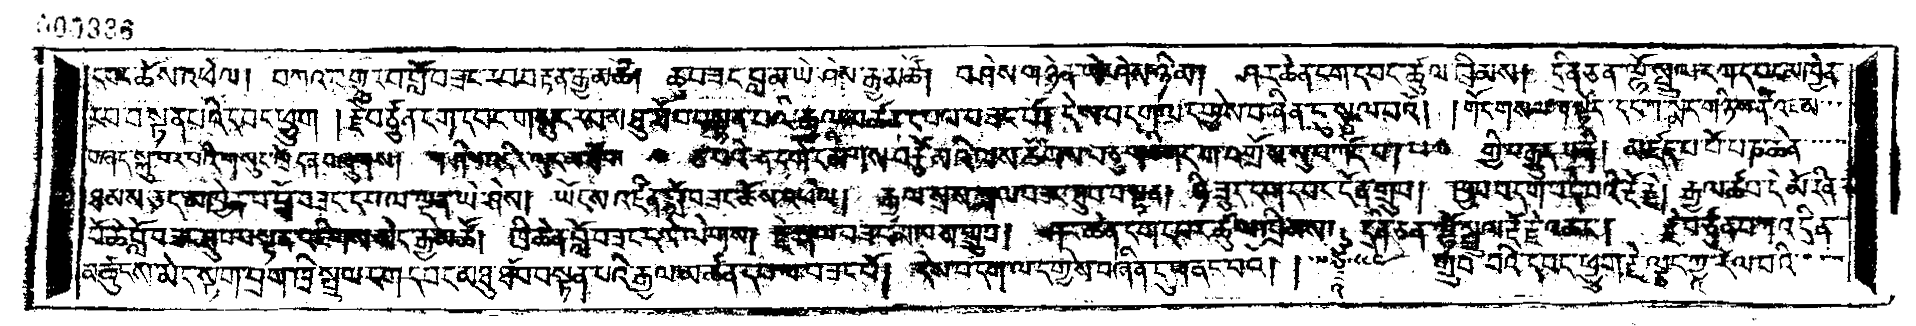དབང་ཆོས་འཕེལ། བཀའ་འགྱུར་བ་བློ་བཟང་རབ་བརྟན་རྒྱ་མཚོ། ཆུ་བཟང་བླ་མ་ཡེ་ཤེས་རྒྱ་མཚོ། བཤེས་གཉེན་ཡེ་ཤེས་ཉི་མ། ཤར་ཆེན་ངག་དབང་ཚུལ་ཁྲིམས། དྲིན་ཅན་ལྷོ་སྤྲུལ་ངག་དབང་མཁྱེན་
རབ་བསྟན་པའི་དབང་ཕྱུག །རྗེ་བཙུན་ངག་དབང་གསུང་རབ་མཐུ་ཐོབ་བསྟན་པའི་རྒྱལ་མཚན་དཔལ་བཟང་པོ། དེས་བདག་ལ་དགྱེས་བཞིན་དུ་སྩལ་པའོ། །གོང་གསལ་ག་སྟོད་དང་ཀ་སྨད་གཉིས་ནི་འཇམ་
བཞད་སྐུ་བར་བའི་གསུང་ཁྲོད་ན་བཞུགས། གཤིས་འདིར་ལུང་མ་ཐོབ། ༧་ཅ་བའི་ནང་གི་དམིགས་བརྩེ་མའི་ལས་ཚོགས་བཅུ་གཅིག་ངང་འགྲོས་སུ་བཀོད་པ། ༥༧་གྱི་བརྒྱུད་པ་ནི། མཛད་པ་པོ་པཎ་ཆེན་
ཐམས་ཅད་མཁྱེན་པ་བློ་བཟང་དཔལ་ལྡན་ཡེ་ཤེས། ཡོངས་འཛིན་བློ་བཟང་ཆོས་འཕེལ། རྒྱལ་སྲས་སྐལ་བཟང་ཐུབ་བསྟན། ཉི་ཟུར་ངག་དབང་དོན་གྲུབ། ཁྱབ་བདག་བདེ་བའི་རྡོ་རྗེ། རྒྱལ་ཚབ་དེ་མོ་རིན་
པོ་ཆེ་བློ་བཟང་ཐུབ་བསྟན་འཇིགས་མེད་རྒྱ་མཚོ། ཁྲི་ཆེན་བློ་བཟང་དགེ་ལེགས། རྗེ་སྐལ་བཟང་མཁས་གྲུབ། ཤར་ཆེན་ངག་དབང་ཚུལ་ཁྲིམས། དྲིན་ཅན་ལྷོ་སྤྲུལ་རྡོ་རྗེ་འཆང་། རྗེ་བཙུན་བཀའ་དྲིན་
མཚུངས་མེད་སྟག་བྲག་ཁྲི་སྤྲུལ་ངག་དབང་མཐུ་ཐོབ་བསྟན་པའི་རྒྱལ་མཚན་དཔལ་བཟང་པོ། དེས་བདག་ལ་དགྱེས་བཞིན་དུ་གནང་བའོ། །༈ གྲུབ་པའི་དབང་ཕྱུག་རྗེ་ལྕང་ཀྱཱ་རོལ་བའི་